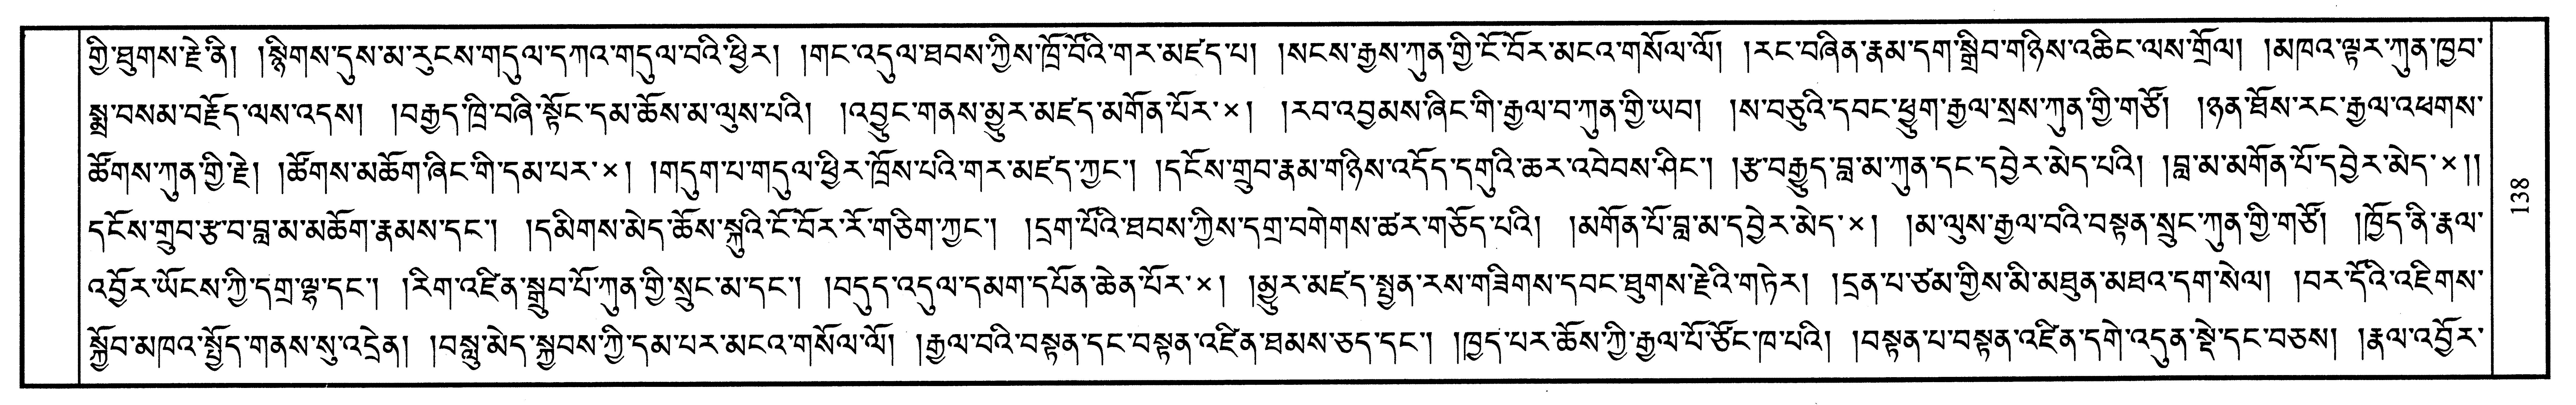གྱི་ཐུགས་རྗེ་ནི། །སྙིགས་དུས་མ་རུངས་གདུལ་དཀའ་གདུལ་བའི་ཕྱིར། །གང་འདུལ་ཐབས་ཀྱིས་ཁྲོ་བོའི་གར་མཛད་པ། །སངས་རྒྱས་ཀུན་གྱི་ངོ་བོར་མངའ་གསོལ་ལོ། །རང་བཞིན་རྣམ་དག་སྒྲིབ་གཉིས་འཆིང་ལས་གྲོལ། །མཁའ་ལྟར་ཀུན་ཁྱབ་
སྨྲ་བསམ་བརྗོད་ལས་འདས། །བརྒྱད་ཁྲི་བཞི་སྟོང་དམ་ཆོས་མ་ལུས་པའི། །འབྱུང་གནས་མྱུར་མཛད་མགོན་པོར་྾། །རབ་འབྱམས་ཞིང་གི་རྒྱལ་བ་ཀུན་གྱི་ཡབ། །ས་བཅུའི་དབང་ཕྱུག་རྒྱལ་སྲས་ཀུན་གྱི་གཙོ། །ཉན་ཐོས་རང་རྒྱལ་འཕགས་
ཚོགས་ཀུན་གྱི་རྗེ། །ཚོགས་མཆོག་ཞིང་གི་དམ་པར་྾། །གདུག་པ་གདུལ་ཕྱིར་ཁྲོས་པའི་གར་མཛད་ཀྱང་། །དངོས་གྲུབ་རྣམ་གཉིས་འདོད་དགུའི་ཆར་འབེབས་ཤིང་། །རྩ་བརྒྱུད་བླ་མ་ཀུན་དང་དབྱེར་མེད་པའི། །བླ་མ་མགོན་པོ་དབྱེར་མེད་྾།།
དངོས་གྲུབ་རྩ་བ་བླ་མ་མཆོག་རྣམས་དང་། །དམིགས་མེད་ཆོས་སྐུའི་ངོ་བོར་རོ་གཅིག་ཀྱང་། །དྲག་པོའི་ཐབས་ཀྱིས་དགྲ་བགེགས་ཚར་གཅོད་པའི། །མགོན་པོ་བླ་མ་དབྱེར་མེད་྾། །མ་ལུས་རྒྱལ་བའི་བསྟན་སྲུང་ཀུན་གྱི་གཙོ། །ཁྱོད་ནི་རྣལ་
འབྱོར་ཡོངས་ཀྱི་དགྲ་ལྷ་དང་། །རིག་འཛིན་སྒྲུབ་པོ་ཀུན་གྱི་སྲུང་མ་དང་། །བདུད་འདུལ་དམག་དཔོན་ཆེན་པོར་྾། །མྱུར་མཛད་སྤྱན་རས་གཟིགས་དབང་ཐུགས་རྗེའི་གཏེར། །དྲན་པ་ཙམ་གྱིས་མི་མཐུན་མཐའ་དག་སེལ། །བར་དོའི་འཇིགས་
སྐྱོབ་མཁའ་སྤྱོད་གནས་སུ་འདྲེན། །བསླུ་མེད་སྐྱབས་ཀྱི་དམ་པར་མངའ་གསོལ་ལོ། །རྒྱལ་བའི་བསྟན་དང་བསྟན་འཛིན་ཐམས་ཅད་དང་། །ཁྱད་པར་ཆོས་ཀྱི་རྒྱལ་པོ་ཙོང་ཁ་པའི། །བསྟན་པ་བསྟན་འཛིན་དགེ་འདུན་སྡེ་དང་བཅས། །རྣལ་འབྱོར་